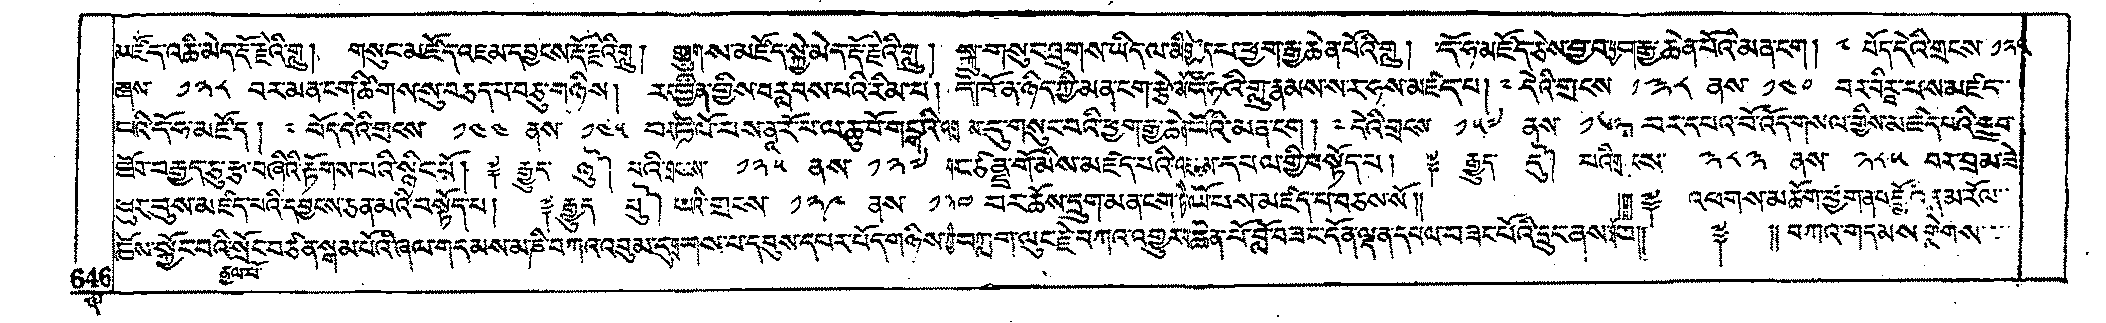མཛོད་འཆི་མེད་རྡོ་རྗེའི་གླུ། གསུང་མཛོད་འཇམ་དབྱངས་རྡོ་རྗེའི་གླུ། ཐུགས་མཛོད་སྐྱེ་མེད་རྡོ་རྗེའི་གླུ། སྐུ་གསུང་ཐུགས་ཡིད་ལ་མི་བྱེད་པ་ཕྱག་རྒྱ་ཆེན་པོའི་གླུ། དོ་ཧ་མཛོད་ཅེས་བྱ་བ་ཕྱག་རྒྱ་ཆེན་པོའི་མན་ངག། ༧་པོད་དེའི་གྲངས ༡༢༥
ནས ༡༢༨་བར་མན་ངག་ཚིགས་སུ་བཅད་པ་བཅུ་གཉིས། རང་བྱིན་གྱིས་བརླབས་པའི་རིམ་པ། དེ་ཁོ་ན་ཉིད་ཀྱི་མན་ངག་རྩེ་མོ་དོ་ཧའི་གླུ་རྣམས་ས་ར་ཧས་མཛད་པ། ༧དེའི་གྲངས ༡༣༨་ནས ༡༤༠་བར་བིརྦ་པས་མཛད་
པའི་དོ་ཧ་མཛོད། ༧པོད་དེའི་གྲངས ༡༤༤་ནས ༡༤༥་བར་ཏཻ་ལོ་པས་ནཱ་རོ་པ་ལ་ཆུ་བོ་གངྒཱི་འགྲམ་དུ་གསུང་བའི་ཕྱག་རྒྱ་ཆེན་པོའི་མན་ངག། ༧དེའི་གྲངས ༡༥༧་ནས ༡༦༢་བར་དཔའ་བོ་འོད་གསལ་གྱིས་མཛད་པའི་གྲུབ་
ཐོབ་བརྒྱད་ཅུ་རྩ་བཞིའི་རྟོགས་པའི་སྙིང་པོ། འ་རྒྱུད་ཉུ༼་པའི་གྲངས ༡༢༥་ནས ༡༢༧་བར་ཙན་དྲ་གོ་མིས་མཛད་པའི་འཇམ་དཔལ་གྱི་བསྟོད་པ། འ་རྒྱུད་དུ༽ པའི་གྲངས ༣༨༣་ནས ༣༨༥་བར་བྲམ་ཟེ་
ཕུར་བུས་མཛད་པའི་དབྱངས་ཅན་མའི་བསྟོད་པ། འ་རྒྱུད་པུ་པའི་གྲངས ༡༢༩་ནས ༡༣༠་བར་ཆོས་དྲུག་མན་ངག་ཏཻ་ལོ་པས་མཛད་པ་བཅས་སོ།། །། འ་འཕགས་མཆོག་ཕྱག་ན་པདམོའི་རྣམ་རོལ་
ཆོས་སྐྱོང་བའི་རྒྱལ་པོ་སྲོང་བཙན་སྒམ་པོའི་ཞལ་གདམས་མ་ཎི་བཀའ་འབུམ་དུ་གྲགས་པ་དབུས་དཔར་པོད་གཉིས་ཀྱི་བཀླག་ལུང་རྗེ་བཀའ་འགྱུར་བ་ཆེན་པོ་བློ་བཟང་དོན་ལྡན་དཔལ་བཟང་པོའི་དྲུང་ནས་ཐོབ།། འ་།།བཀའ་གདམས་གླེགས་